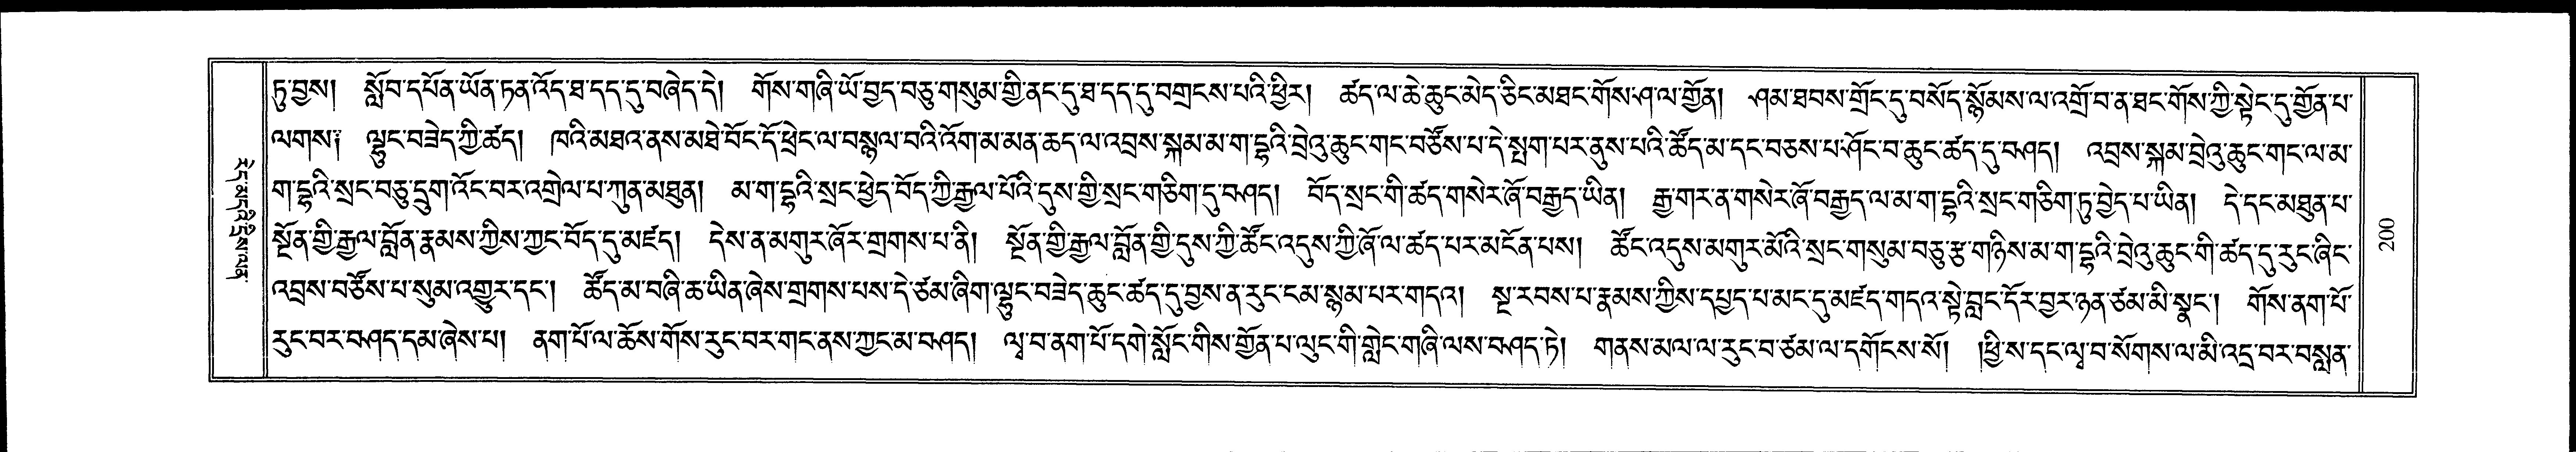ཏུ་བྱས། སློབ་དཔོན་ཡོན་ཏན་འོད་ཐ་དད་དུ་བཞེད་དེ། གོས་གཞི་ཡོ་བྱད་བཅུ་གསུམ་གྱི་ནང་དུ་ཐ་དད་དུ་བགྲངས་པའི་ཕྱིར། ཚད་ལ་ཆེ་ཆུང་མེད་ཅིང་མཐང་གོས་ཤ་ལ་གྱོན། ཤམ་ཐབས་གྲོང་དུ་བསོད་སྙོམས་ལ་འགྲོ་བ་ན་ཐང་གོས་ཀྱི་སྟེང་དུ་གྱོན་པ་
ལགས། ལྷུང་བཟེད་ཀྱི་ཚད། ཁའི་མཐའ་ནས་མཐེ་བོང་དོ་ཕྲེང་ལ་བསྙལ་བའི་འོག་མ་མན་ཆད་ལ་འབྲས་སྐམ་མ་ག་དྷའི་བྲེའུ་ཆུང་གང་བཙོས་པ་དེ་སྤག་པར་ནུས་པའི་ཚོད་མ་དང་བཅས་པ་ཤོང་བ་ཆུང་ཚད་དུ་བཤད། འབྲས་སྐམ་བྲེའུ་ཆུང་གང་ལ་མ་
ག་དྷའི་སྲང་བཅུ་དྲུག་འོང་བར་འགྲེལ་པ་ཀུན་མཐུན། མ་ག་དྷའི་སྲང་ཕྱེད་བོད་ཀྱི་རྒྱལ་པོའི་དུས་གྱི་སྲང་གཅིག་དུ་བཤད། བོད་སྲང་གི་ཚད་གསེར་ཞོ་བརྒྱད་ཡིན། རྒྱ་གར་ན་གསེར་ཞོ་བརྒྱད་ལ་མ་ག་དྷའི་སྲང་གཅིག་ཏུ་བྱེད་པ་ཡིན། དེ་དང་མཐུན་པ་
སྔོན་གྱི་རྒྱལ་བློན་རྣམས་ཀྱིས་ཀྱང་བོད་དུ་མཛད། དེས་ན་མགུར་ཞོར་གྲགས་པ་ནི། སྔོན་གྱི་རྒྱལ་བློན་གྱི་དུས་ཀྱི་ཚོང་འདུས་ཀྱི་ཞོ་ལ་ཚད་པར་མངོན་པས། ཚོང་འདུས་མགུར་མོའི་སྲང་གསུམ་བཅུ་རྩ་གཉིས་མ་ག་དྷའི་བྲེའུ་ཆུང་གི་ཚད་དུ་རུང་ཞིང་
འབྲས་བཙོས་པ་སུམ་འགྱུར་དང་། ཚོད་མ་བཞི་ཆ་ཡིན་ཞེས་གྲགས་པས་དེ་ཙམ་ཞིག་ལྷུང་བཟེད་ཆུང་ཚད་དུ་བྱས་ན་རུང་ངམ་སྙམ་པར་གདའ། སྔ་རབས་པ་རྣམས་ཀྱིས་དཔྱད་པ་མང་དུ་མཛད་གདའ་སྟེ་བླང་དོར་བྱར་ཉན་ཙམ་མི་སྣང་། གོས་ནག་པོ་
རུང་བར་བཤད་དམ་ཞེས་པ། ནག་པོ་ལ་ཆོས་གོས་རུང་བར་གང་ནས་ཀྱང་མ་བཤད། ལྭ་བ་ནག་པོ་དགེ་སློང་གིས་གྱོན་པ་ལུང་གི་གླེང་གཞི་ལས་བཤད་ཏེ། གནས་མལ་ལ་རུང་བ་ཙམ་ལ་དགོངས་སོ། །ཕྱི་ས་དང་ཝ་བ་སོགས་ལ་མི་འདྲ་བར་བསླན་